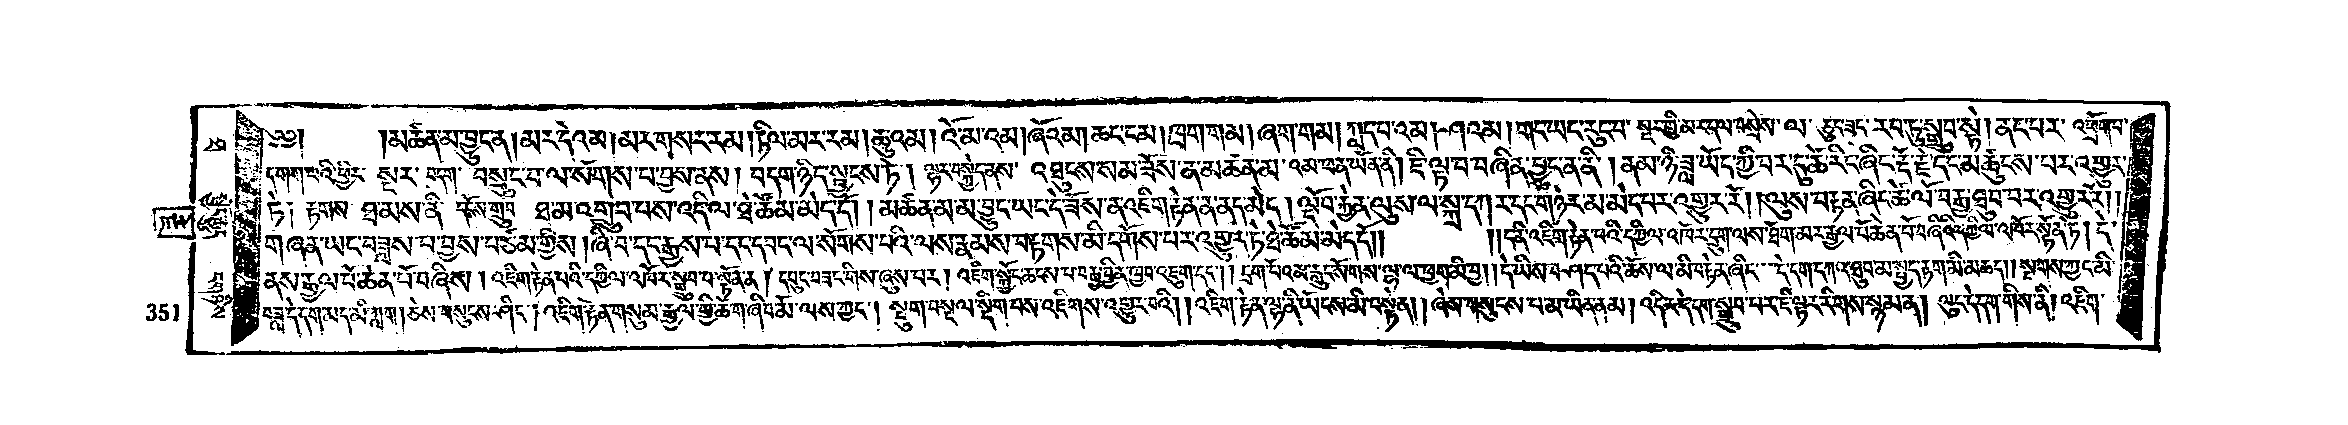༄༅། །མཚན་མ་བྱུང་ན། མར་དེའམ། མར་གསར་རམ། ཏིལ་མར་རམ། ཆུ་འམ། འོ་མ་འམ། ཞོའམ། ཆང་ངམ། ཁྲག་གམ། ཞག་གམ། ཀླད་པ་འམ། ཤའམ། གང་ཡང་རུང་བ་སྔར་གྱི་མར་དལ་བསྲེས་ལ་ཅུང་ཟད་རབ་ཏུ་སྒྲུབ་སྟེ། ནང་པར་འཕྲོགས་
དགག་པའི་ཕྱིར་སྔར་བདག་བསྲུང་བ་ལ་སོགས་པ་བྱས་ནས། བདག་ཉིད་སྦྱངས་ཏེ། ལྷར་བསྐྱེད་ནས།  འཐུངས་སམ་ཟོས་ན་མཚན་མ་འམ་ཕན་ཡོན་ནི། ཇི་ལྟ་བ་བཞིན་བྱུང་ན་ནི། ནམ་ཉི་ཟླ་ཡོད་ཀྱི་བར་དུ་ཚེ་རིང་ཞིང་རྡོ་རྗེ་དང་མཚུངས་པར་འགྱུར་
ཏེ། རྟགས་ཐ་མས་ནི་དངོས་གྲུབ་ཐ་མ་འགྲུབ་པས་འདི་ལ་ཐེ་ཚོམ་མེད་དོ། །མཚན་མ་མ་བྱུང་ཡང་དེ་ཟོས་ན་འཇིག་རྟེན་ན་ནད་མེད། ལྡོབ་རྐྱེན་ལུས་ལ་སྐྲ་དཀར་དང་གཉེར་མ་མེད་པར་འགྱུར་རོ། །ལུས་བརྟན་ཞིང་ཚེ་ལོ་བརྒྱ་ཐུབ་པར་འགྱུར་རོ། །
གཞན་ཡང་བཟླས་པ་བྱས་པ་ཙམ་གྱིས། ཞི་བ་དང་རྒྱས་པ་དང་དབང་ལ་སོགས་པའི་ལས་རྣམས་བརྟགས་མི་དགོས་པར་འགྱུར་ཏེ་ཐེ་ཚོམ་མེད་དོ།། །།ད་ནི་འཇིག་རྟེན་པའི་དཀྱིལ་འཁོར་དྲུག་ལས་ཐོག་མར་རྒྱལ་པོ་ཆེན་པོ་བཞིའི་དཀྱིལ་འཁོར་སྟོན་ཏེ། དེ་
ནས་རྒྱལ་པོ་ཆེན་པོ་བཞིས། འཇིག་རྟེན་པའི་དཀྱིལ་འཁོར་སྒྲུབ་པ་སྟོན་ན། དཔུང་བཟང་གིས་ཞུས་པར། འཇིག་སྐྱོང་ཚངས་པ་བརྒྱ་བྱིན་ཁྱབ་འཇུག་དང་། །དྲག་པོའམ་རླུང་སོགས་ལྷ་ལ་ཕྱག་མི་བྱ། །དེ་ཡིས་བཤད་པའི་ཆོས་ལ་མི་བརྟེན་ཞིང་། དེ་དག་དཀའ་ཐུབ་མ་སྤྱད་རྟག་མི་མཆད། །སྔགས་ཀྱང་མི་
བཟླ་དེ་དག་མེད་མི་ཀླག །ཅེས་གསུངས་ཤིང་། འཇིག་རྟེན་གསུམ་རྒྱལ་གྱི་ཆོ་ག་ཞིབ་མོ་ལས་ཀྱང་། སྡུག་བསྔལ་སྡིག་པས་འཇིགས་འགྱུར་བའི། །འཇིག་རྟེན་ལྷ་ནི་ཡོངས་མི་བསྟེན། །ཞེས་གསུངས་པ་མ་ཡིན་ནམ། འདར་དེ་དག་སྒྲུབ་པར་ཇི་ལྟར་རིགས་སྙམ་ན། ལུང་དེ་དག་གིས་ནི། འཇིག་